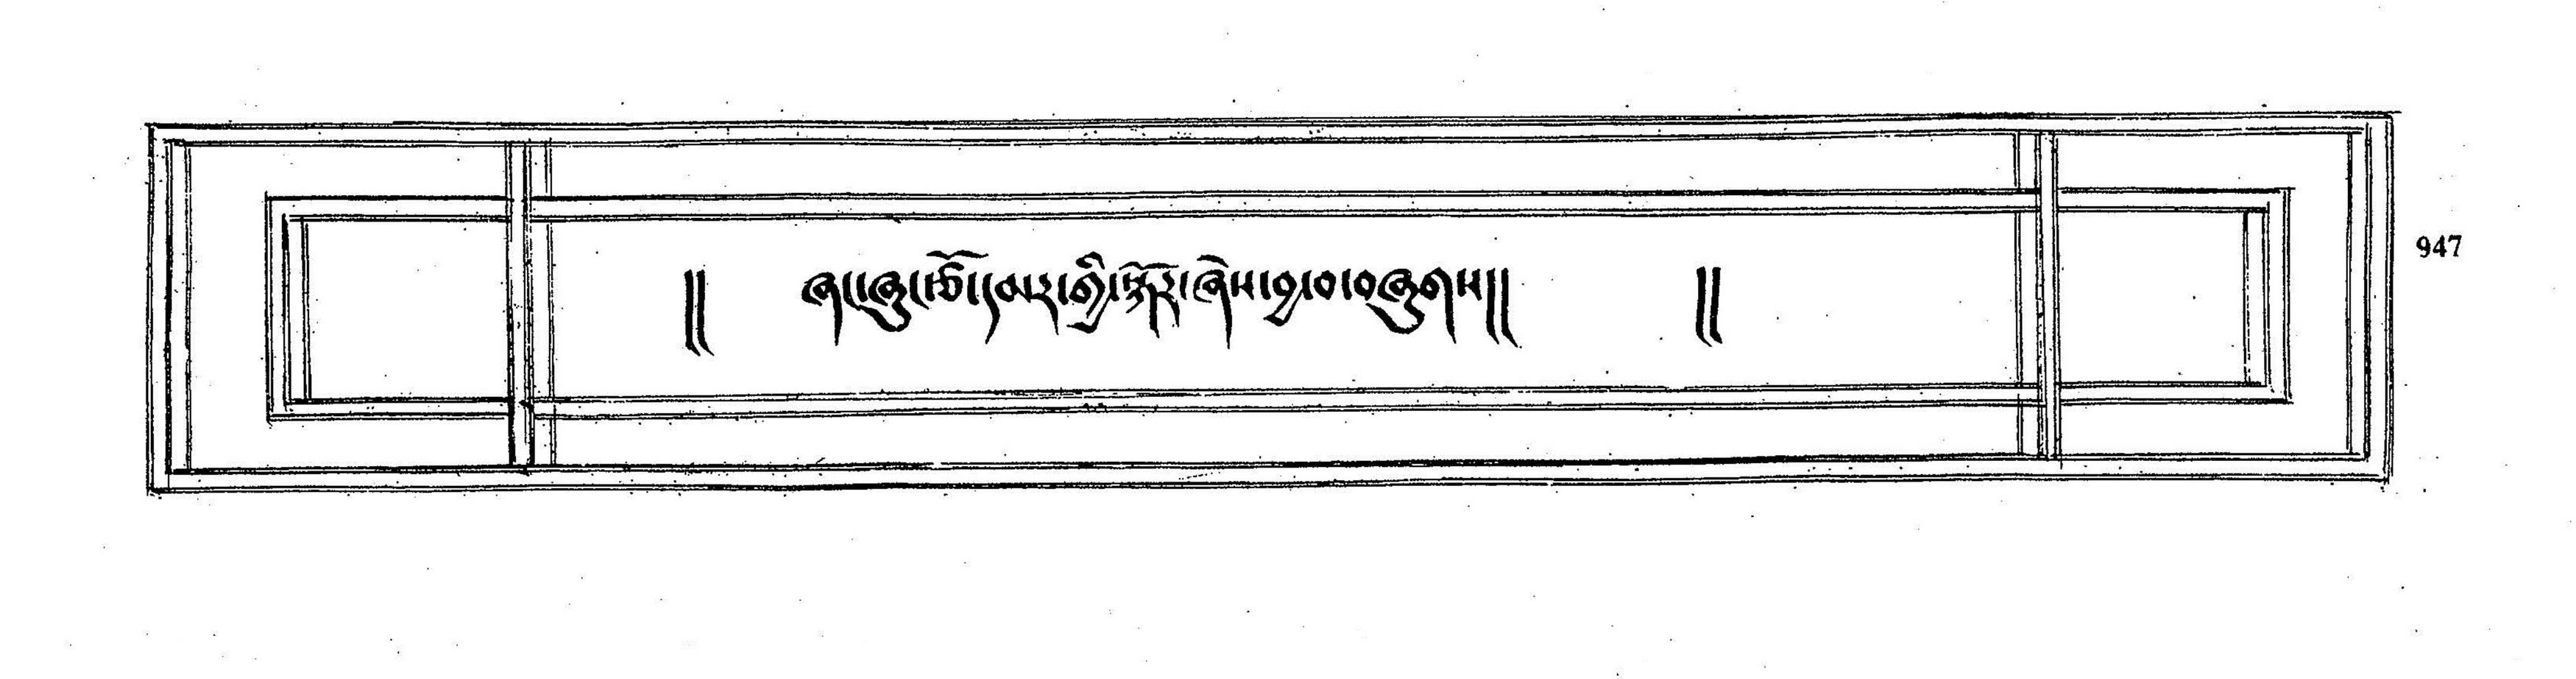།། ཞང་ཞུང་ཙོ་དམར་གྱི་སྐོར་ཞེས་བྱ་བ་བཞུགས།། །།